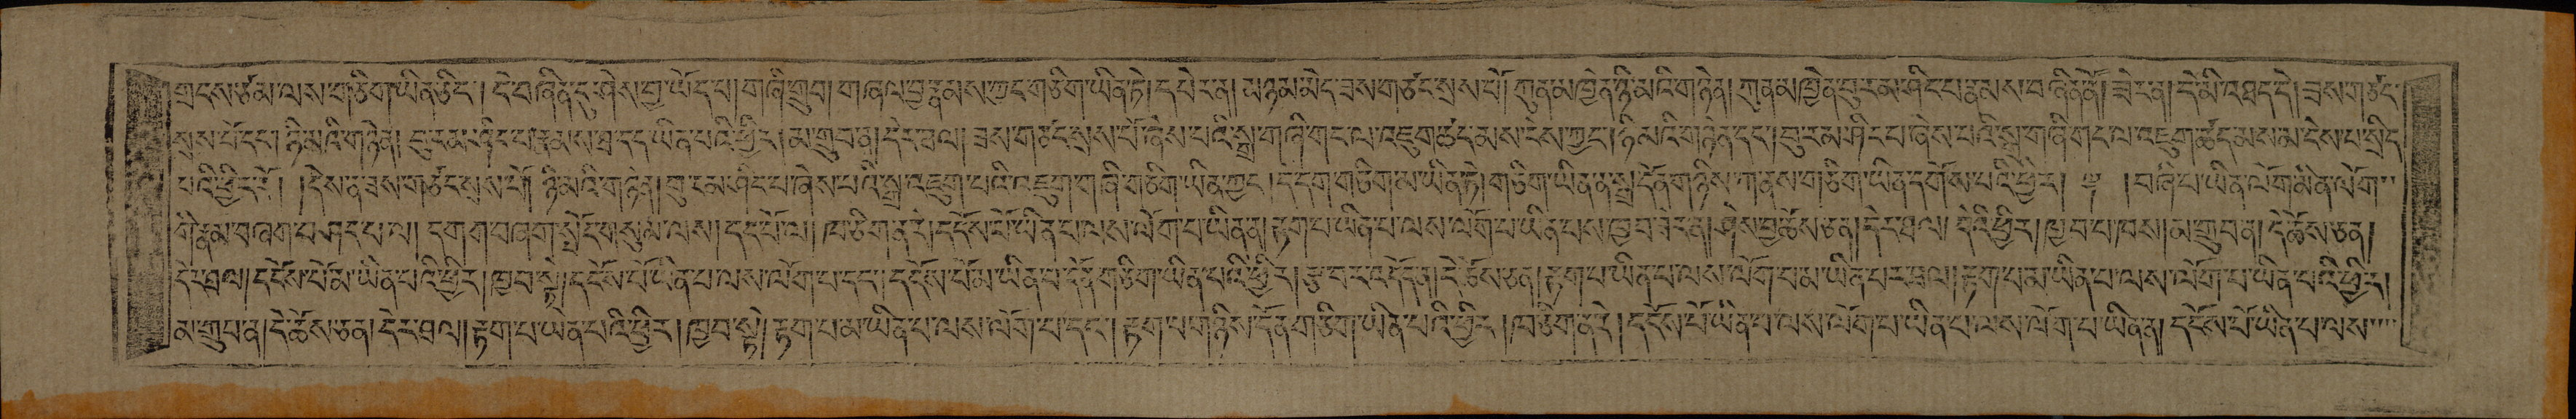གྲངས་ཙམ་ལས་གཅིག་ཡིན་ཅིང་། དེ་བཞིན་དུ་ཤེས་བྱ་ཡོད་པ། གཞི་གྲུབ། གཞལ་བྱ་རྣམས་ཀྱང་གཅིག་ཡིན་ཏེ། དཔེར་ན། མཉམ་མེད་ཟས་གཙང་སྲས་པོ། ཀུན་མཁྱེན་ཉི་མའི་གཉེན། ཀུན་མཁྱེན་བུ་རམ་ཤིང་པ་རྣམས་བཞིན་ནོ། ཟེར་ན། དེ་མི་འཐད་དེ། ཟས་གཙང་
སྲས་པོ་དང་། ཉི་མའི་གཉེན། བུ་རམ་ཤིང་པ་རྣམས་ཐ་དད་ཡིན་པའི་ཕྱིར། མ་གྲུབ་ན། དེར་ཐལ། ཟས་གཙང་སྲས་པོ་ཞེས་པའི་སྒྲ་གཞི་གང་ལ་འཇུག་ཚད་མས་ངེས་ཀྱང་། ཉི་མའི་གཉེན་དང་། བུ་རམ་ཤིང་པ་ཞེས་པའི་སྒྲ་གཞི་གང་ལ་འཇུག་ཚད་མས་མ་ངེས་པ་སྲིད་
པའི་ཕྱིར་རོ། །དེས་ན་ཟས་གཏང་སྲས་པོ། ཉི་མའི་གཉེན། བུ་རམ་ཤིང་པ་ཞེས་པའི་སྒྲ་འཇུག་པའི་འཇུག་གཞི་གཅིག་ཡིན་ཀྱང་། དེ་དག་གཅིག་མ་ཡིན་ཏེ། གཅིག་ཡིན་ན་སྒྲ་དོན་གཉིས་ཀ་ནས་གཅིག་ཡིན་དགོས་པའི་ཕྱིར། ༈ །བཞི་པ་ཡིན་ལོག་མིན་ལོག་
གི་རྣམ་བཞག་བཤད་པ་ལ། དགག་བཞག་སྤོང་གསུམ་ལས། དང་པོ་ལ། ཁ་ཅིག་ན་རེ། དངོས་པོ་ཡིན་པ་ལས་ལོག་པ་ཡིན་ན། རྟག་པ་ཡིན་པ་ལས་ལོག་པ་ཡིན་པས་ཁྱབ་ཟེར་ན། ཤེས་བྱ་ཆོས་ཅན། དེར་ཐལ། དེའི་ཕྱིར། ཁྱབ་པ་ཁས། མ་གྲུབ་ན། དེ་ཆོས་ཅན།
དེར་ཐལ། དངོས་པོ་མ་ཡིན་པའི་ཕྱིར། ཁྱབ་སྟེ། དངོས་པོ་ཡིན་པ་ལས་ལོག་པ་དང་། དངོས་པོ་མ་ཡིན་པ་དོན་གཅིག་ཡིན་པའི་ཕྱིར། རྩ་བར་འདོད་ན། དེ་ཆོས་ཅན། རྟག་པ་ཡིན་པ་ལས་ལོག་པ་མ་ཡིན་པར་ཐལ། རྟག་པ་མ་ཡིན་པ་ལས་ལོག་པ་ཡིན་པའི་ཕྱིར།
མ་གྲུབ་ན། དེ་ཆོས་ཅན། དེར་ཐལ། རྟག་པ་ཡིན་པའི་ཕྱིར། ཁྱབ་སྟེ། རྟག་པ་མ་ཡིན་པ་ལས་ལོག་པ་དང་། རྟག་པ་གཉིས་དོན་གཅིག་ཡིན་པའི་ཕྱིར། ཁ་ཅིག་ན་རེ། དངོས་པོ་ཡིན་པ་ལས་ལོག་པ་ཡིན་པ་ལས་ལོག་པ་ཡིན་ན། དངོས་པོ་ཡིན་པ་ལས་